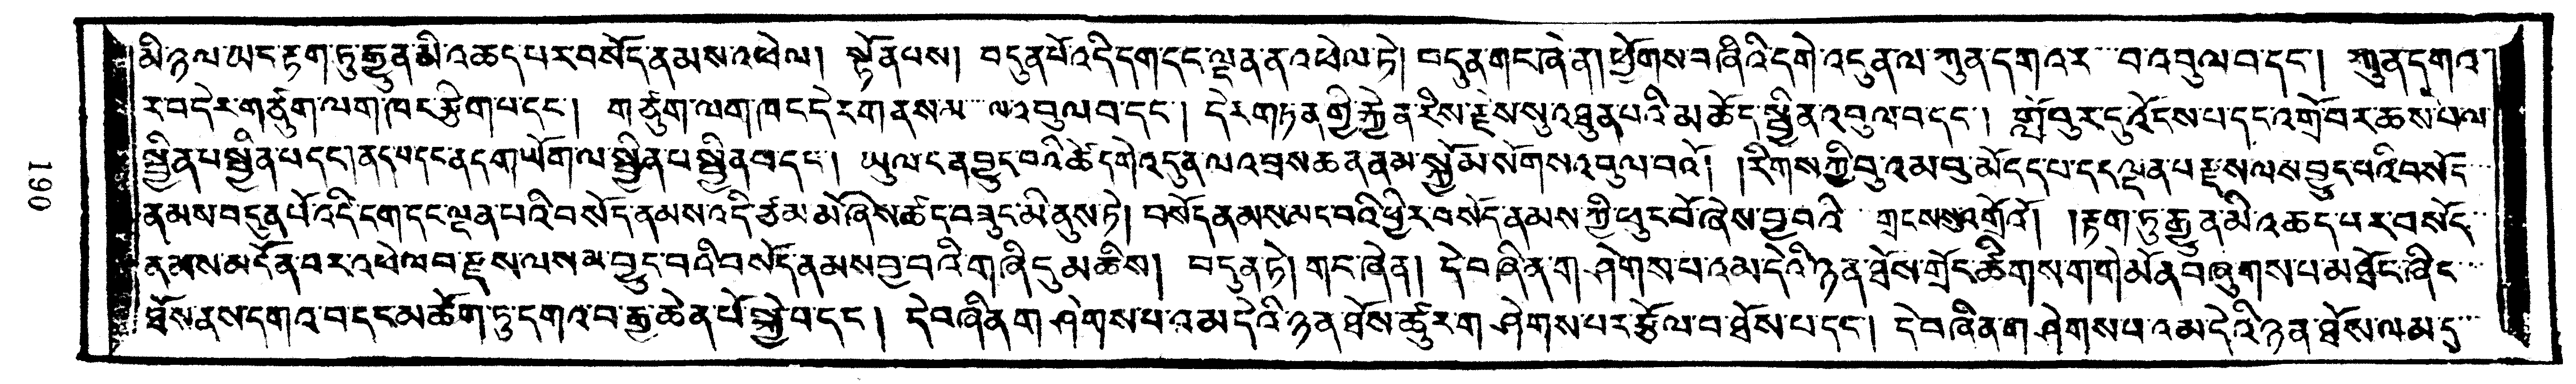མི་ཉལ་ཡང་རྟག་ཏུ་རྒྱུན་མི་འཆད་པར་བསོད་ནམས་འཕེལ། སྟོན་པས། བདུན་པོ་འདི་དག་དང་ལྡན་ན་འཕེལ་ཏེ། བདུན་གང་ཞེ་ན། ཕྱོགས་བཞིའི་དགེ་འདུན་ལ་ཀུན་དགའ་ར་བ་འབུལ་བ་དང་། ཀུན་དགའ་
ར་བདེར་གཙུག་ལག་ཁང་རྩིག་པ་དང་། གཙུག་ལག་ཁང་དེར་གནས་མ་ལ་འབུལ་བ་དང་། དེར་གཏན་གྱི་རྐྱེན་རིས་རྗེས་སུ་འཐུན་པའི་མཆོད་སྦྱིན་འབུལ་བ་དང་། གློ་བུར་དུ་འོངས་པ་དང་འགྲོ་བར་ཆས་པ་ལ་
སྦྱིན་པ་སྦྱིན་པ་དང་། ནད་པ་དང་ནད་གཡོག་ལ་སྦྱིན་པ་སྦྱིན་པ་དང་། ཡུལ་ངན་བྱུང་བའི་ཚེ་དགེ་འདུན་ལ་འབྲས་ཆན་ནམ་སྐྱོམ་སོགས་འབུལ་བའོ། །རིགས་ཀྱི་བུ་འམ་བུ་མོ་དད་པ་དང་ལྡན་པ་རྫས་ལས་བྱུང་བའི་བསོད་
ནམས་བདུན་པོ་འདི་དག་དང་ལྡན་པའི་བསོད་ནམས་འདི་ཙམ་མོ་ཞེས་ཚད་བཟུང་མི་ནུས་ཏེ། བསོད་ནམས་མང་བའི་ཕྱིར་བསོད་ནམས་ཀྱི་ཕུང་པོ་ཞེས་བྱ་བའི་གྲངས་སུ་འགྲོའོ། །རྟག་ཏུ་རྒྱུན་མི་འཆད་པར་བསོད་
ནམས་མངོན་བར་འཕེལ་བ་རྫས་ལས་མ་བྱུང་བའི་བསོད་ནམས་བྱ་བའི་གཞི་དུ་མཆིས། བདུན་ཏེ། གང་ཞེ་ན། དེ་བཞིན་གཤེགས་པའམ་དེའི་ཉན་ཐོས་གྲོང་ཚིགས་ག་གེ་མོན་བཞུགས་པ་མཐོང་ཞིང་
ཐོས་ནས་དགའ་བ་དང་མཆོག་ཏུ་དགའ་བ་རྒྱ་ཆེན་པོ་སྐྱེ་བ་དང་། དེ་བཞིན་གཤེགས་པ་འམ་དེའི་ཉན་ཐོས་ཚུར་གཤེགས་པར་རྩོལ་བ་ཐོས་པ་དང་། དེ་བཞིན་གཤེགས་པ་འམ་དེའི་ཉན་ཐོས་ལམ་དུ་